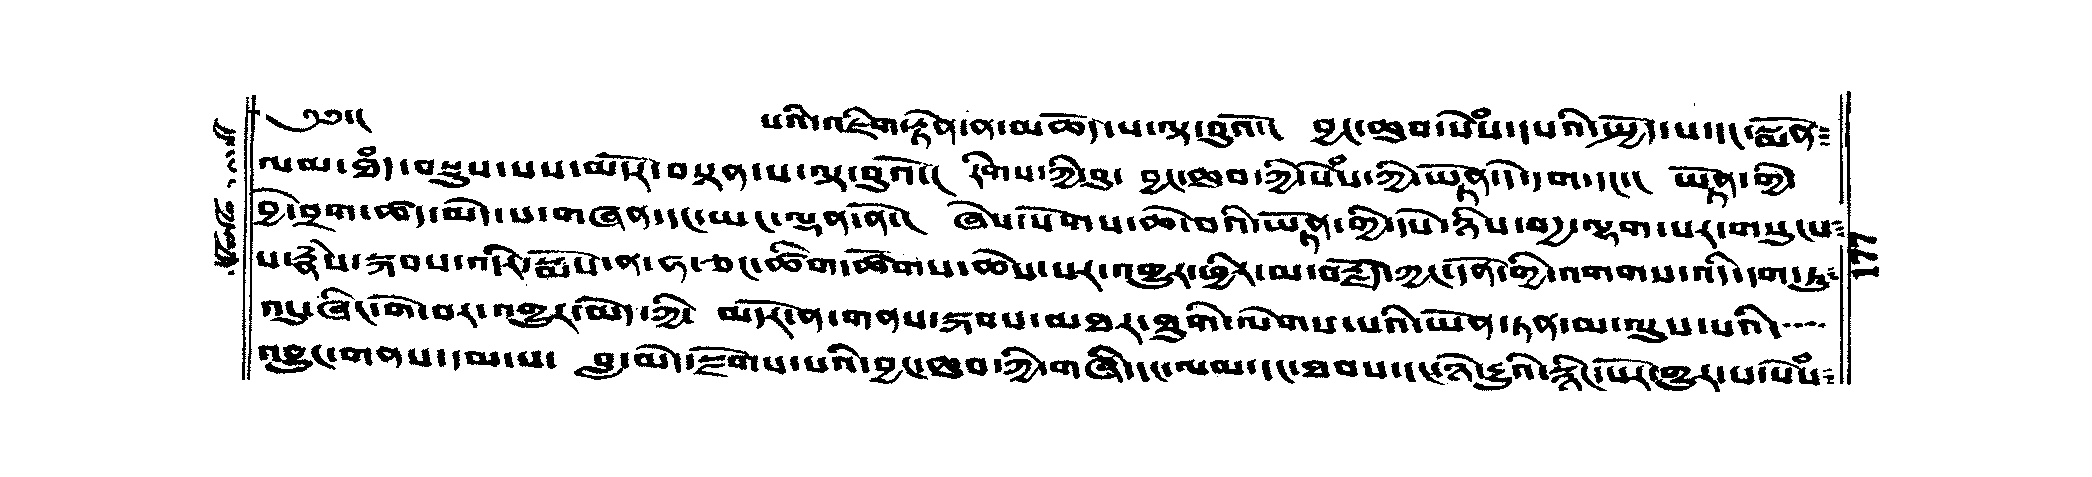པའི་འཇིག་རྟེན་ན་མཆོད་པ་ལྟ་བུའོ། བྱང་ཆུབ་སེམས་དཔའི་སྤྱོད་པ་དང་སྨོན་
ལམ་ཐམས་ཅད་བསྡུས་པས་མདོར་བསྟན་པ་ལྟ་བུའོ། རིགས་ཀྱི་བུ། བྱང་ཆུབ་ཀྱི་སེམས་ཀྱི་ཡོན་ཏན་དེ་དག་དང་། ཡོན་ཏན་གྱི་
བྱེ་བྲག་ཚད་མེད་པ་གཞན་དང་ཡང་ལྡན་ནོ། ཞེས་སོགས་ཆེ་བའི་ཡོན་ཏན་གྱི་དཔེ་ཉིས་བརྒྱ་ལྷག་པར་གསུངས་
པ་རྣམས་སྐབས་འདིར་སྨིན་ན་ཧ་ཅང་ཚིག་ཚོགས་ཆེས་པར་འགྱུར་ཕྱིར་མ་བརྗོད་ཀྱང་དོན་གྱི་འགགས་འདི་དག་ཏུ་
འདུ་ཞིང་གོ་བར་འགྱུར་མོད་ཀྱི།མདོར་ན་གནས་སྐབས་མཐར་ཐུག་གི་ལེགས་པའི་ཡོན་ཏན་མ་ལུས་པའི་
འབྱུང་གནས་དམ་པ། བླ་མེད་རྫོགས་པའི་བྱང་ཆུབ་ཀྱི་གཞི་དང་ལམ་དང་ཐབས་དང་ཉེ་རྒྱུའི་སྙིང་པོར་གྱུར་པ་སེམས་